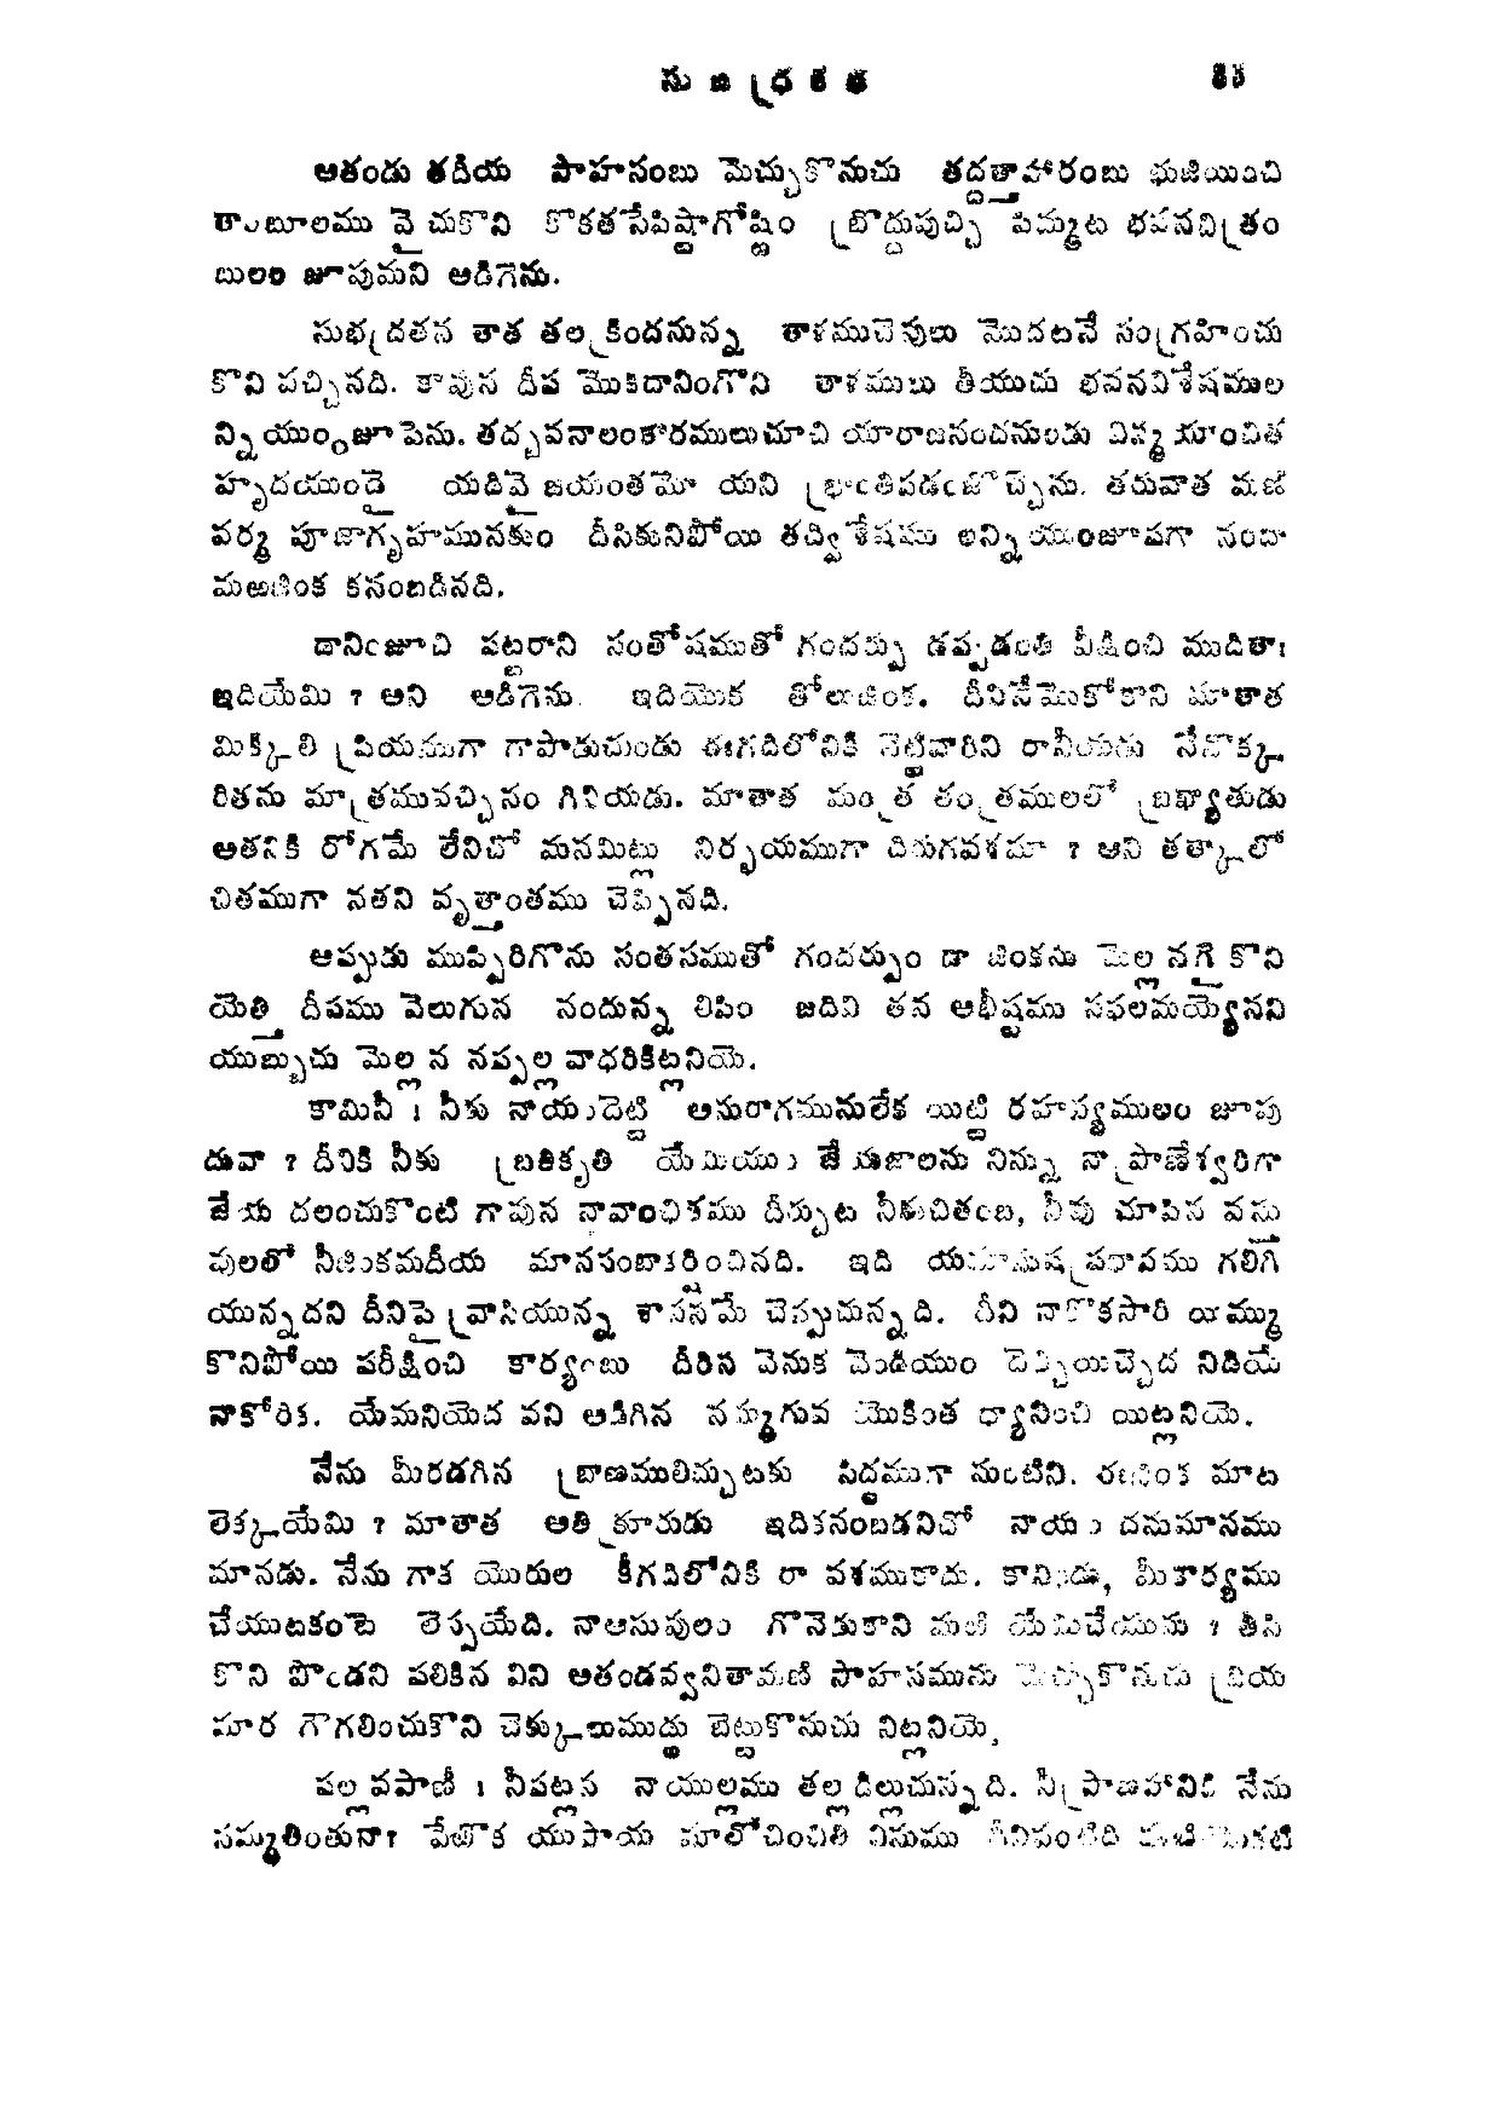అతండు తదీయ సాహసంబు మెచ్చుకొనుచు తద్దత్తాహారంబు భుజియించి తాంబూలము వైచుకొని కొకంతసే పిష్టాగోష్టిం బ్రొద్దుపుచ్చి పిమ్మట భవనచిత్రంబులం జూపుమని అడిగెను.

సుభద్రతన తాత తలక్రిందనున్న తాళముచెవులు మొదటనే సంగ్రహించుకొని వచ్చినది. కావున దీప మొకదానిం గొని తాళములు తీయుచు భవనవిశేషములన్నియుంజూపెను. తద్భవనాలంకారములు చూచి యారాజనందనుండు విస్మయాంచితహృదయుండై యదివైజయంతమో యని భ్రాంతిపడఁజొచ్చెను. తరువాత మణివర్మ పూజాగృహమునకుం దీసికునిపోయి తద్విశేషము లన్నియుం జూపగా నందా మఱజింక కనంబడినది.

దానింజూచి పట్టరాని సంతోషముతో గందర్పు డప్పడంతి వీక్షించి ముదితా! ఇదియేమి? అని అడిగెను. ఇది యొక తోలుజింక. దీని నేమొకోకాని మాతాత మిక్కిలి ప్రియముగా గాపాడుచుండు. ఈగదిలోనికి నెట్టివారిని రానీయడు. నేనొక్కరితను మాత్రమువచ్చినం గివియడు. మాతాత మంత్రతంత్రములలో బ్రఖ్యాతుడు. అతనికి రోగమే లేనిచో మనమిట్లు నిర్భయముగా దిరుగవశమా? అని తత్కాలోచితముగా నతని వృత్తాంతము చెప్పినది.

అప్పుడు ముప్పిరిగొను సంతసముతో గందర్పుం డా జింకను మెల్లన గైకొని యెత్తి దీపము వెలుగున నందున్న లిపిం జదివి తన అభీష్టము సఫలమయ్యెనని యుబ్బుచు మెల్లన నప్పల్లవాధరి కిట్లనియె.

కామినీ! నీకు నాయందెట్టి అనురాగమునులేక యిట్టి రహస్యములం జూపుదువా? దీనికి నీకు బ్రతికృతి యేమియుం జేయజాలను నిన్ను నాప్రాణేశ్వరిగా జేయదలంచుకొంటి గావున నావాంఛితము దీర్చుట నీ కుచితంబ, నీవు చూపిన వస్తువులలో నీజింక మదీయమానసం బాకర్షించినది. ఇది యమానుషప్రభావము గలిగి యున్నదని దీనిపై వ్రాసియున్న శాసనమే చెప్పుచున్నది. దీని నాకొకసారి యిమ్ము కొనిపోయి పరీక్షించి కార్యంబు దీరిన వెనుక వెండియుం దెచ్చియిచ్చెద నిదియే నాకోరిక. యేమనియెద వని అడిగిన నమ్మగువ యొకింత ధ్యానించి యిట్లనియె.

నేను మీరడగిన బ్రాణములిచ్చుటకు సిద్ధముగా నుంటిని. ఈజింక మాట లెక్కయేమి? మాతాత అతిక్రూరుడు ఇదికనంబడనిచో నాయం దనుమానము మానడు. నేను గాక యొరుల కీగదిలోనికి రా వశముకాదు. కానిండు, మీకార్యము చేయుటకంటె లెస్సయేది. నాఅసువులం గొనెడుకాని మఱి యేమిచేయును? తీసికొని పొండని పలికిన విని అతం డవ్వనితామణి సాహసమును మెచ్చుకొనుచు బ్రియమార గౌగలించుకొని చెక్కులు ముద్దు బెట్టుకొనుచు నిట్లనియె.

పల్లవపాణీ! నీపట్లన నాయుల్లము తల్లడిల్లుచున్నది. నీప్రాణహానికి నేను సమ్మతింతునా? వేఱొక యుపాయ మాలోచించితి వినుము దీనివంటిది మఱియొకటి